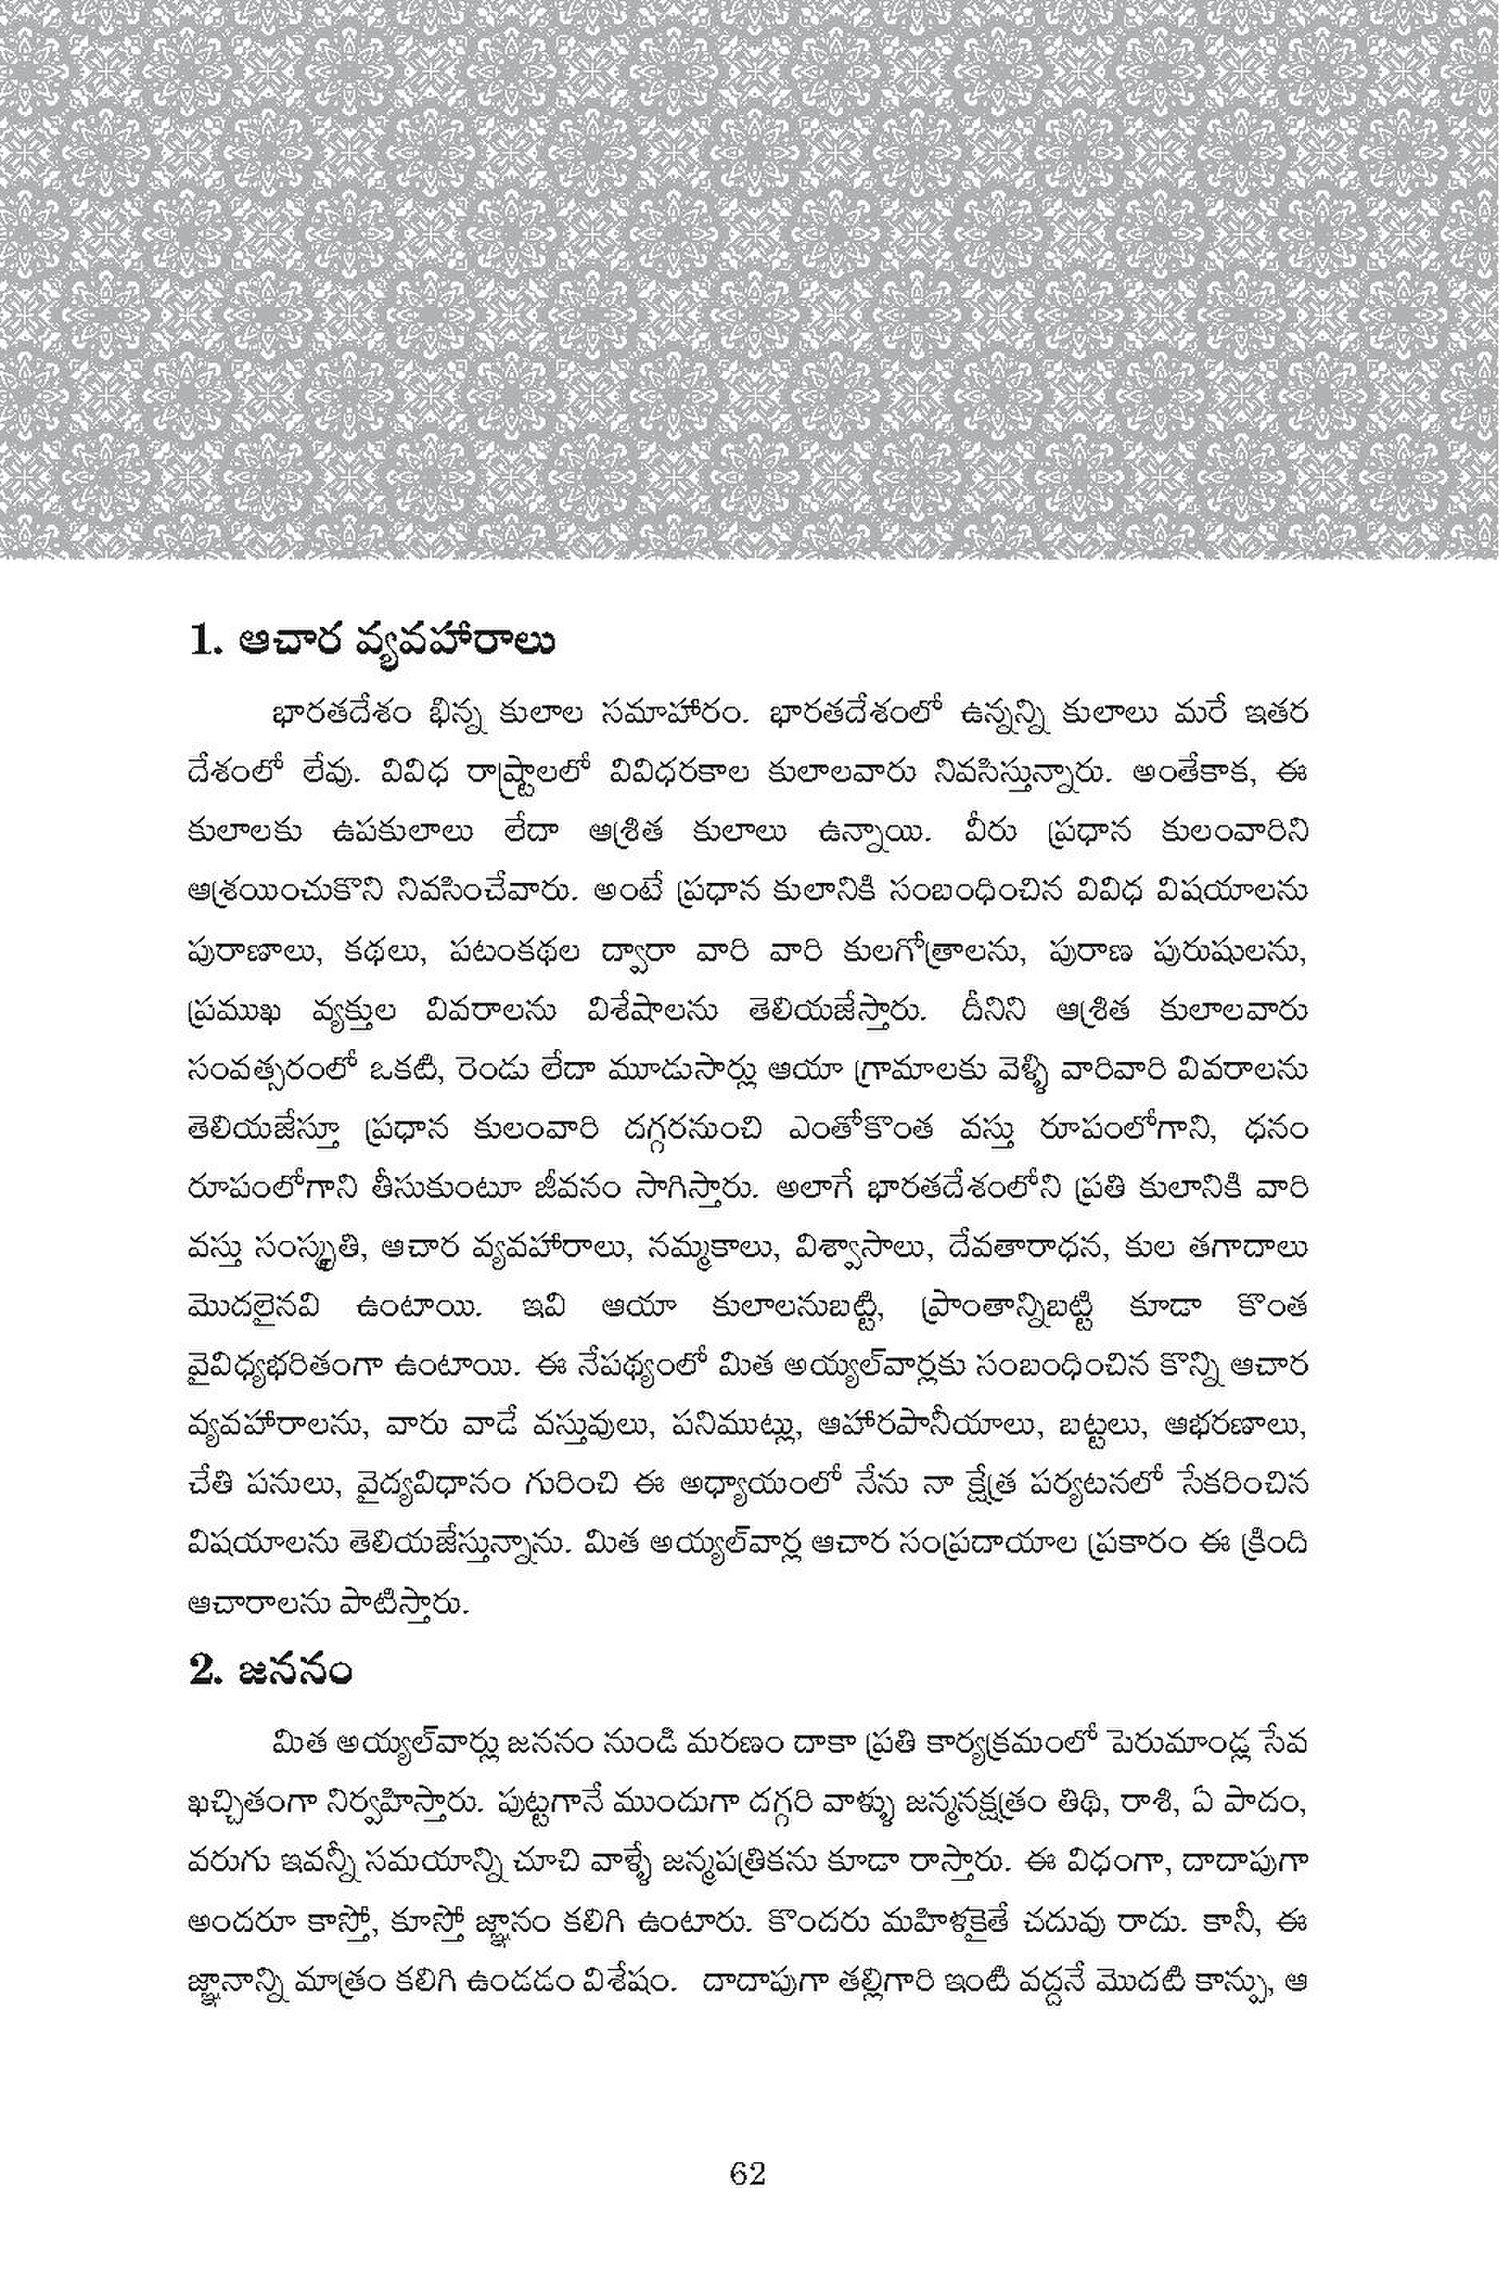1. ఆచార వ్యవహారాలు 

భారతదేశం భిన్న కులాల సమాహారం. భారతదేశంలో ఉన్నన్ని కులాలు మరే ఇతర దేశంలో లేవు. వివిధ రాష్ట్రాలలో వివిధరకాల కులాలవారు నివసిస్తున్నారు. అంతేకాక, ఈ కులాలకు ఉపకులాలు లేదా ఆశ్రిత కులాలు ఉన్నాయి. వీరు ప్రధాన కులంవారిని ఆశ్రయించుకొని నివసించేవారు. అంటే ప్రధాన కులానికి సంబంధించిన వివిధ విషయాలను పురాణాలు, కథలు, పటంకథల ద్వారా వారి వారి కులగోత్రాలను, పురాణ పురుషులను, ప్రముఖ వ్యక్తుల వివరాలను విశేషాలను తెలియజేస్తారు. దీనిని ఆశ్రిత కులాలవారు సంవత్సరంలో ఒకటి, రెండు లేదా మూడుసార్లు ఆయా గ్రామాలకు వెళ్ళి వారివారి వివరాలను తెలియజేస్తూ ప్రధాన కులంవారి దగ్గరనుంచి ఎంతోకొంత వస్తు రూపంలోగాని, ధనం రూపంలో గాని తీసుకుంటూ జీవనం సాగిస్తారు. అలాగే భారతదేశంలోని ప్రతి కులానికి వారి వస్తు సంస్కృతి, ఆచార వ్యవహారాలు, నమ్మకాలు, విశ్వాసాలు, దేవతారాధన, కుల తగాదాలు మొదలైనవి ఉంటాయి. ఇవి ఆయా కులాలనుబట్టి, ప్రాంతాన్నిబట్టి కూడా కొంత వైవిధ్యభరితంగా ఉంటాయి. ఈ నేపథ్యంలో మిత అయ్యల్వార్లకు సంబంధించిన కొన్ని ఆచార వ్యవహారాలను, వారు వాడే వస్తువులు, పనిముట్లు, ఆహారపానీయాలు, బట్టలు, ఆభరణాలు, చేతి పనులు, వైద్యవిధానం గురించి ఈ అధ్యాయంలో నేను నా క్షేత్ర పర్యటనలో సేకరించిన విషయాలను తెలియజేస్తున్నాను. మిత అయ్యల్వార్ల ఆచార సంప్రదాయాల ప్రకారం ఈ క్రింది ఆచారాలను పాటిస్తారు.

2. జననం 

మిత అయ్యల్వార్లు జననం నుండి మరణం దాకా ప్రతి కార్యక్రమంలో పెరుమాండ్ల సేవ ఖచ్చితంగా నిర్వహిస్తారు. పుట్టగానే ముందుగా దగ్గరి వాళ్ళు జన్మనక్షత్రం తిథి, రాశి, ఏ పాదం, వరుగు ఇవన్నీ సమయాన్ని చూచి వాళ్ళే జన్మపత్రికను కూడా రాస్తారు. ఈ విధంగా, దాదాపుగా అందరూ కాస్తో కూస్తో జ్ఞానం కలిగి ఉంటారు. కొందరు మహిళకైతే చదువు రాదు. కానీ, ఈ జ్ఞానాన్ని మాత్రం కలిగి ఉండడం విశేషం. దాదాపుగా తల్లిగారి ఇంటి వద్దనే మొదటి కాన్పు, ఆ